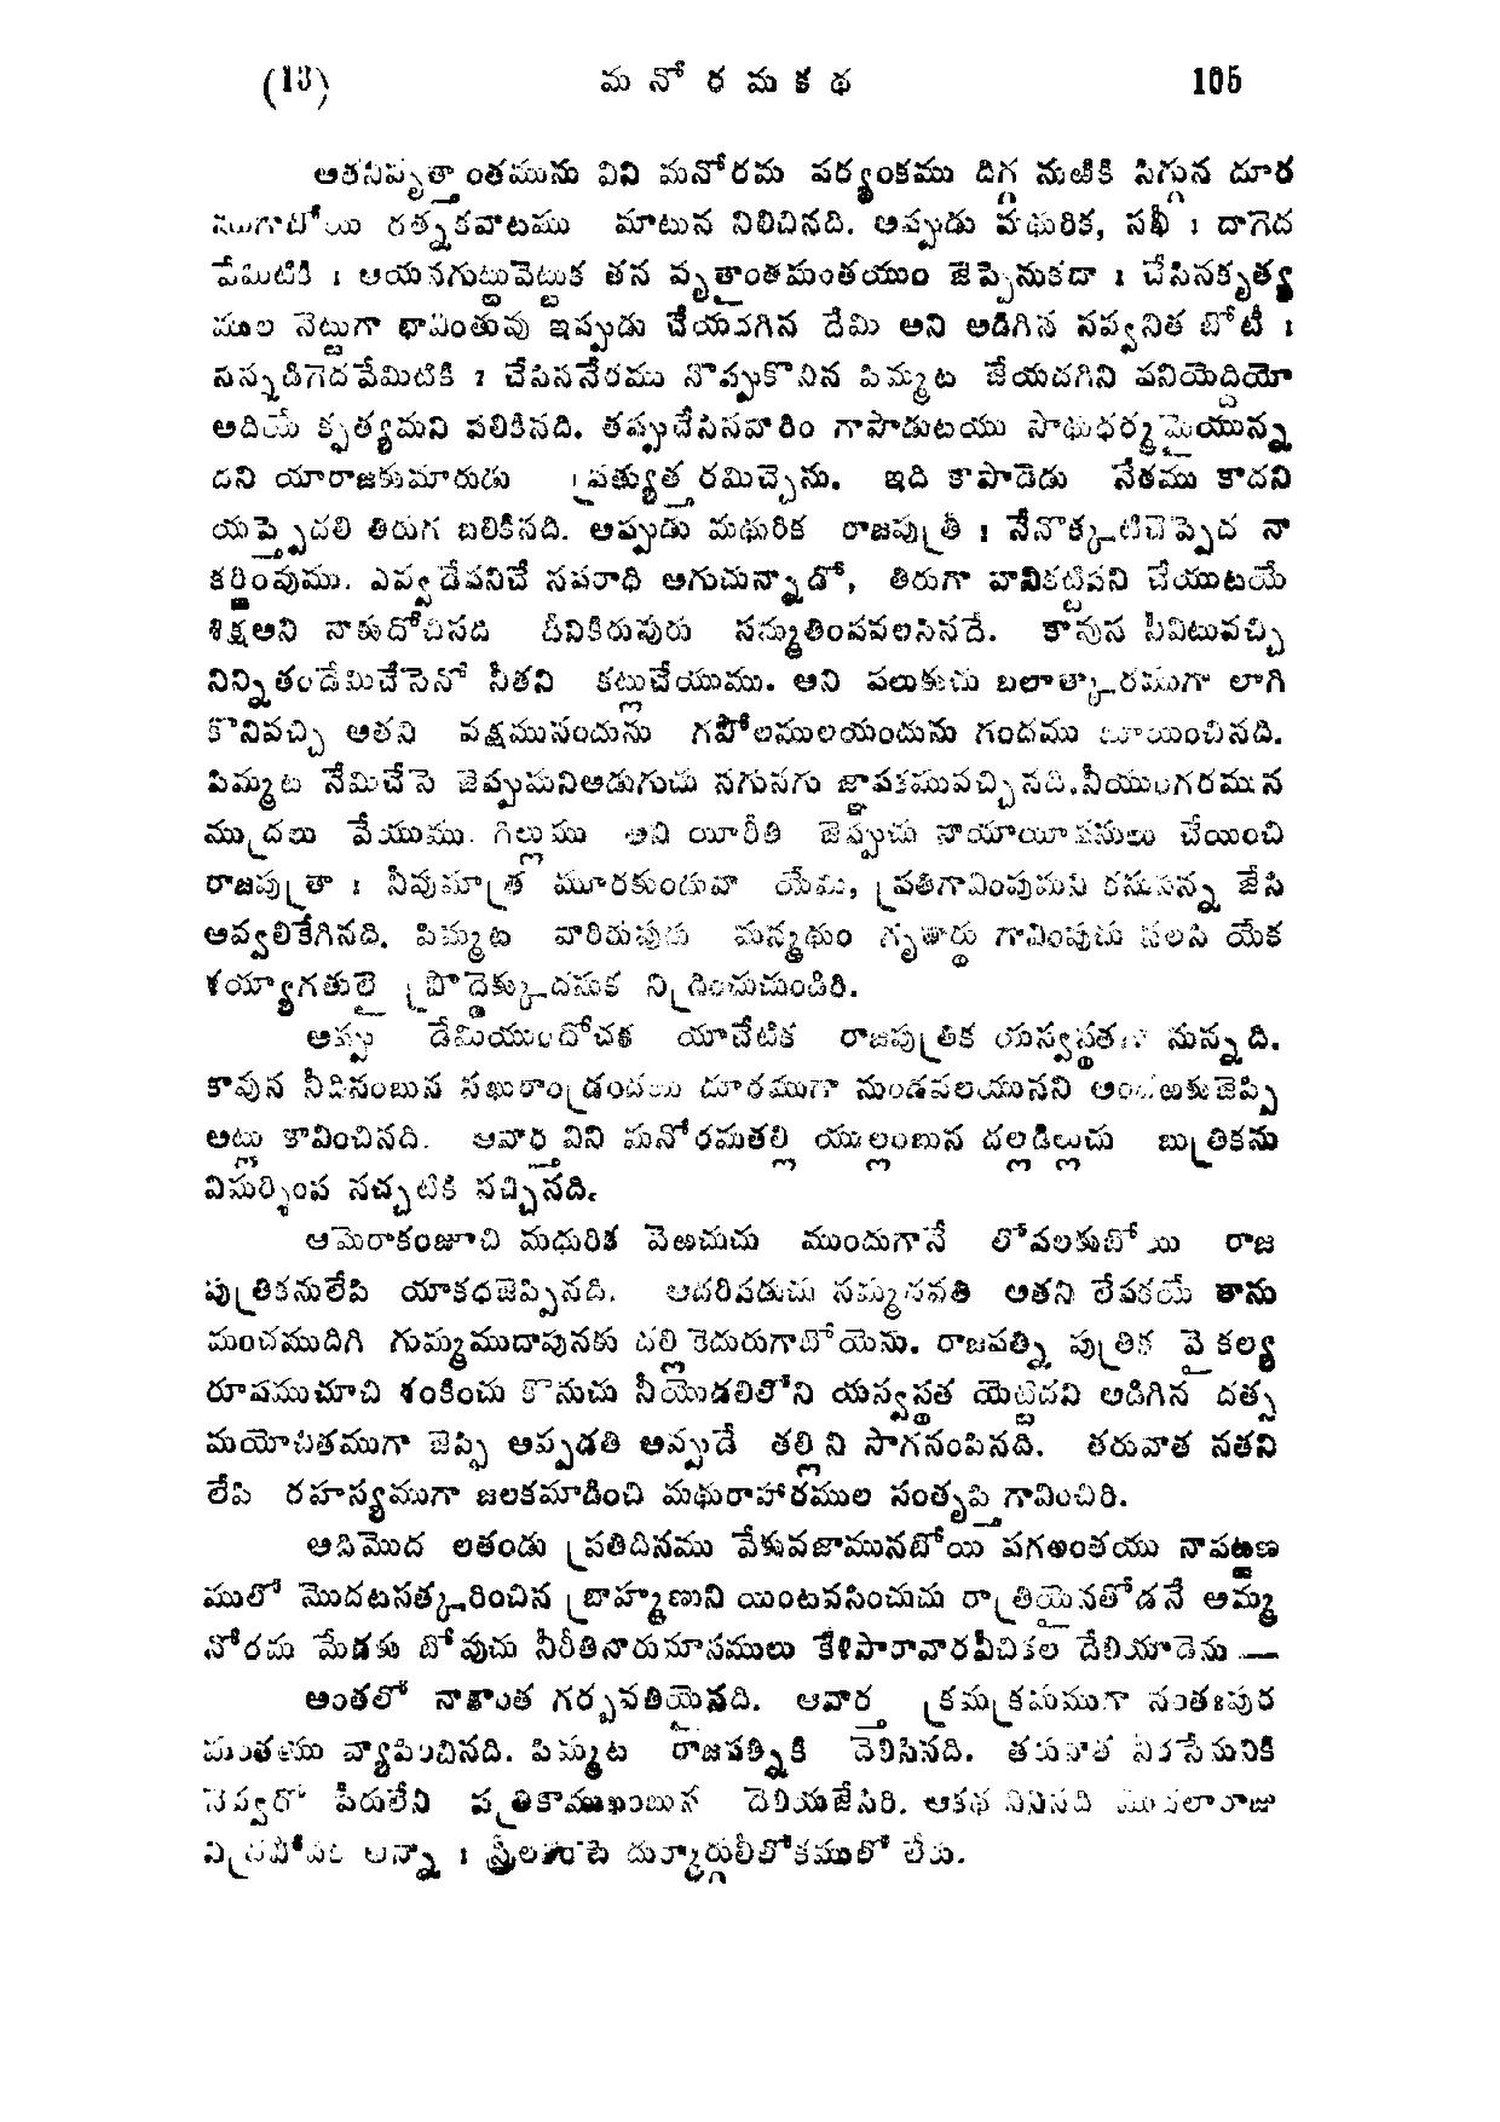ఆతనివృత్తాంతమును విని మనోరమ పర్యంకము దిగ్గ నుఱికి సిగ్గున దూరముగాబోయి రత్నకవాటము మాటున నిలిచినది. అప్పుడు మథురిక, సఖీ, దాగెద వేమిటికి! ఆయనగుట్టువెట్టుక తన వృత్తాంతమంతయుం జెప్పెనుకదా? చేసినకృత్యముల నెట్టుగా భావింతువు ఇప్పుడు చేయదగిన దేమి అని అడిగిన నవ్వనిత బోటీ! నన్నడిగెదవేమిటికి? చేసిననేరము నొప్పుకొనిన పిమ్మట జేయదగిన పనియెద్దియో అదియే కృత్యమని పలికినది. తప్పుచేసినవారిం గాపాడుటయు సాధుధర్మమైయున్న దని యారాజకుమారుడు ప్రత్యుత్తరమిచ్చెను. ఇది కాపాడెడు నేరము కాదని యప్పైదలి తిరుగ బలికినది. అప్పుడు మథురిక రాజపుత్రీ ! నేనొక్కటిచెప్పెద నాకర్ణింపుము. ఎవ్వడేపనిచే నపరాధి అగుచున్నాడో, తిరుగా వానికట్టిపని చేయుటయే శిక్షఅని నాకుదోచినది దీనికిరువురు సన్ముతింపవలసినదే. కావున నీవిటువచ్చి నిన్నితండేమిచేసెనో నీతని కట్లుచేయుము. అని పలుకుచు బలాత్కారముగ లాగి కొనివచ్చి అతని వక్షమునందును గపోలములయందును గందము బూయించినది. పిమ్మట నేమిచేసె జెప్పుమనిఅడుగుచు నగునగు జ్ఞాపకమువచ్చినది. నీయుంగరమున ముద్రలు వేయుము. గిల్లుము అని యీరీతి జెప్పుచు నాయాయీపనులు చేయించి రాజపుత్రా ! నీవుమాత్ర మూరకుందువా యేమి, ప్రతిగావింపుమని కనుసన్న జేసి అవ్వలికేగినది. పిమ్మట వారిరువురు మన్మథుం గృతార్థు గావింపుచు పలసి యేకశయ్యాగతులై ప్రొద్దెక్కుదనుక నిద్రించుచుండిరి.

అప్పు డేమియుందోచక యాచేటిక రాజపుత్రిక యస్వస్థతగా నున్నది. కావున నీదినంబున సఖురాండ్రందఱు దూరముగా నుండవలయునని అందఱకుజెప్పి అట్లు కావించినది. ఆవార్త విని మనోరమతల్లి యుల్లంబున దల్లడిల్లుచు బుత్రికను విమర్శింప నచ్చటికి వచ్చినది.

ఆమెరాకంజూచి మధురిక వెఱచుచు ముందుగానే లోపలకుబోయి రాజపుత్రికనులేపి యాకధజెప్పినది. అదరిపడుచు నమ్మనవతి అతని లేపకయే తాను మంచముదిగి గుమ్మముదాపునకు దల్లి కెదురుగాబోయెను. రాజపత్ని పుత్రిక వైకల్యరూపముచూచి శంకించుకొనుచు నీయొడలిలోని యస్వస్థత యెట్టిదని అడిగిన దత్సమయోచితముగా జెప్పి అప్పడతి అప్పుడే తల్లిని సాగనంపినది. తరువాత నతని లేపి రహస్యముగా జలకమాడించి మధురాహారముల సంతృప్తి గావించిరి.

అదిమొద లతండు ప్రతిదినము వేకువజామునబోయి పగలంతయు నాపట్టణములో మొదటసత్కరించిన బ్రాహ్మణుని యింటవసించుచు రాత్రియైనతోడనే అమ్మనోరమ మేడకు బోవుచు నీరీతినారుమాసములు కేళిపారావారవీచికల దేలియాడెను.

అంతలో నాకాంత గర్భవతియైనది. ఆవార్త క్రమక్రమముగా నంతఃపురమంతము వ్యాపించినది. పిమ్మట రాజపత్నికి దెలిసినది. తరువాత వీరసేనునికి నెవ్వరో పేరులేని పత్రికాముఖంబున దెలియజేసిరి. ఆకథ వినినది మొదలారాజు నిద్రపోవక అన్నా? స్త్రీలకంటె దుర్మార్గులీలోకములో లేరు.